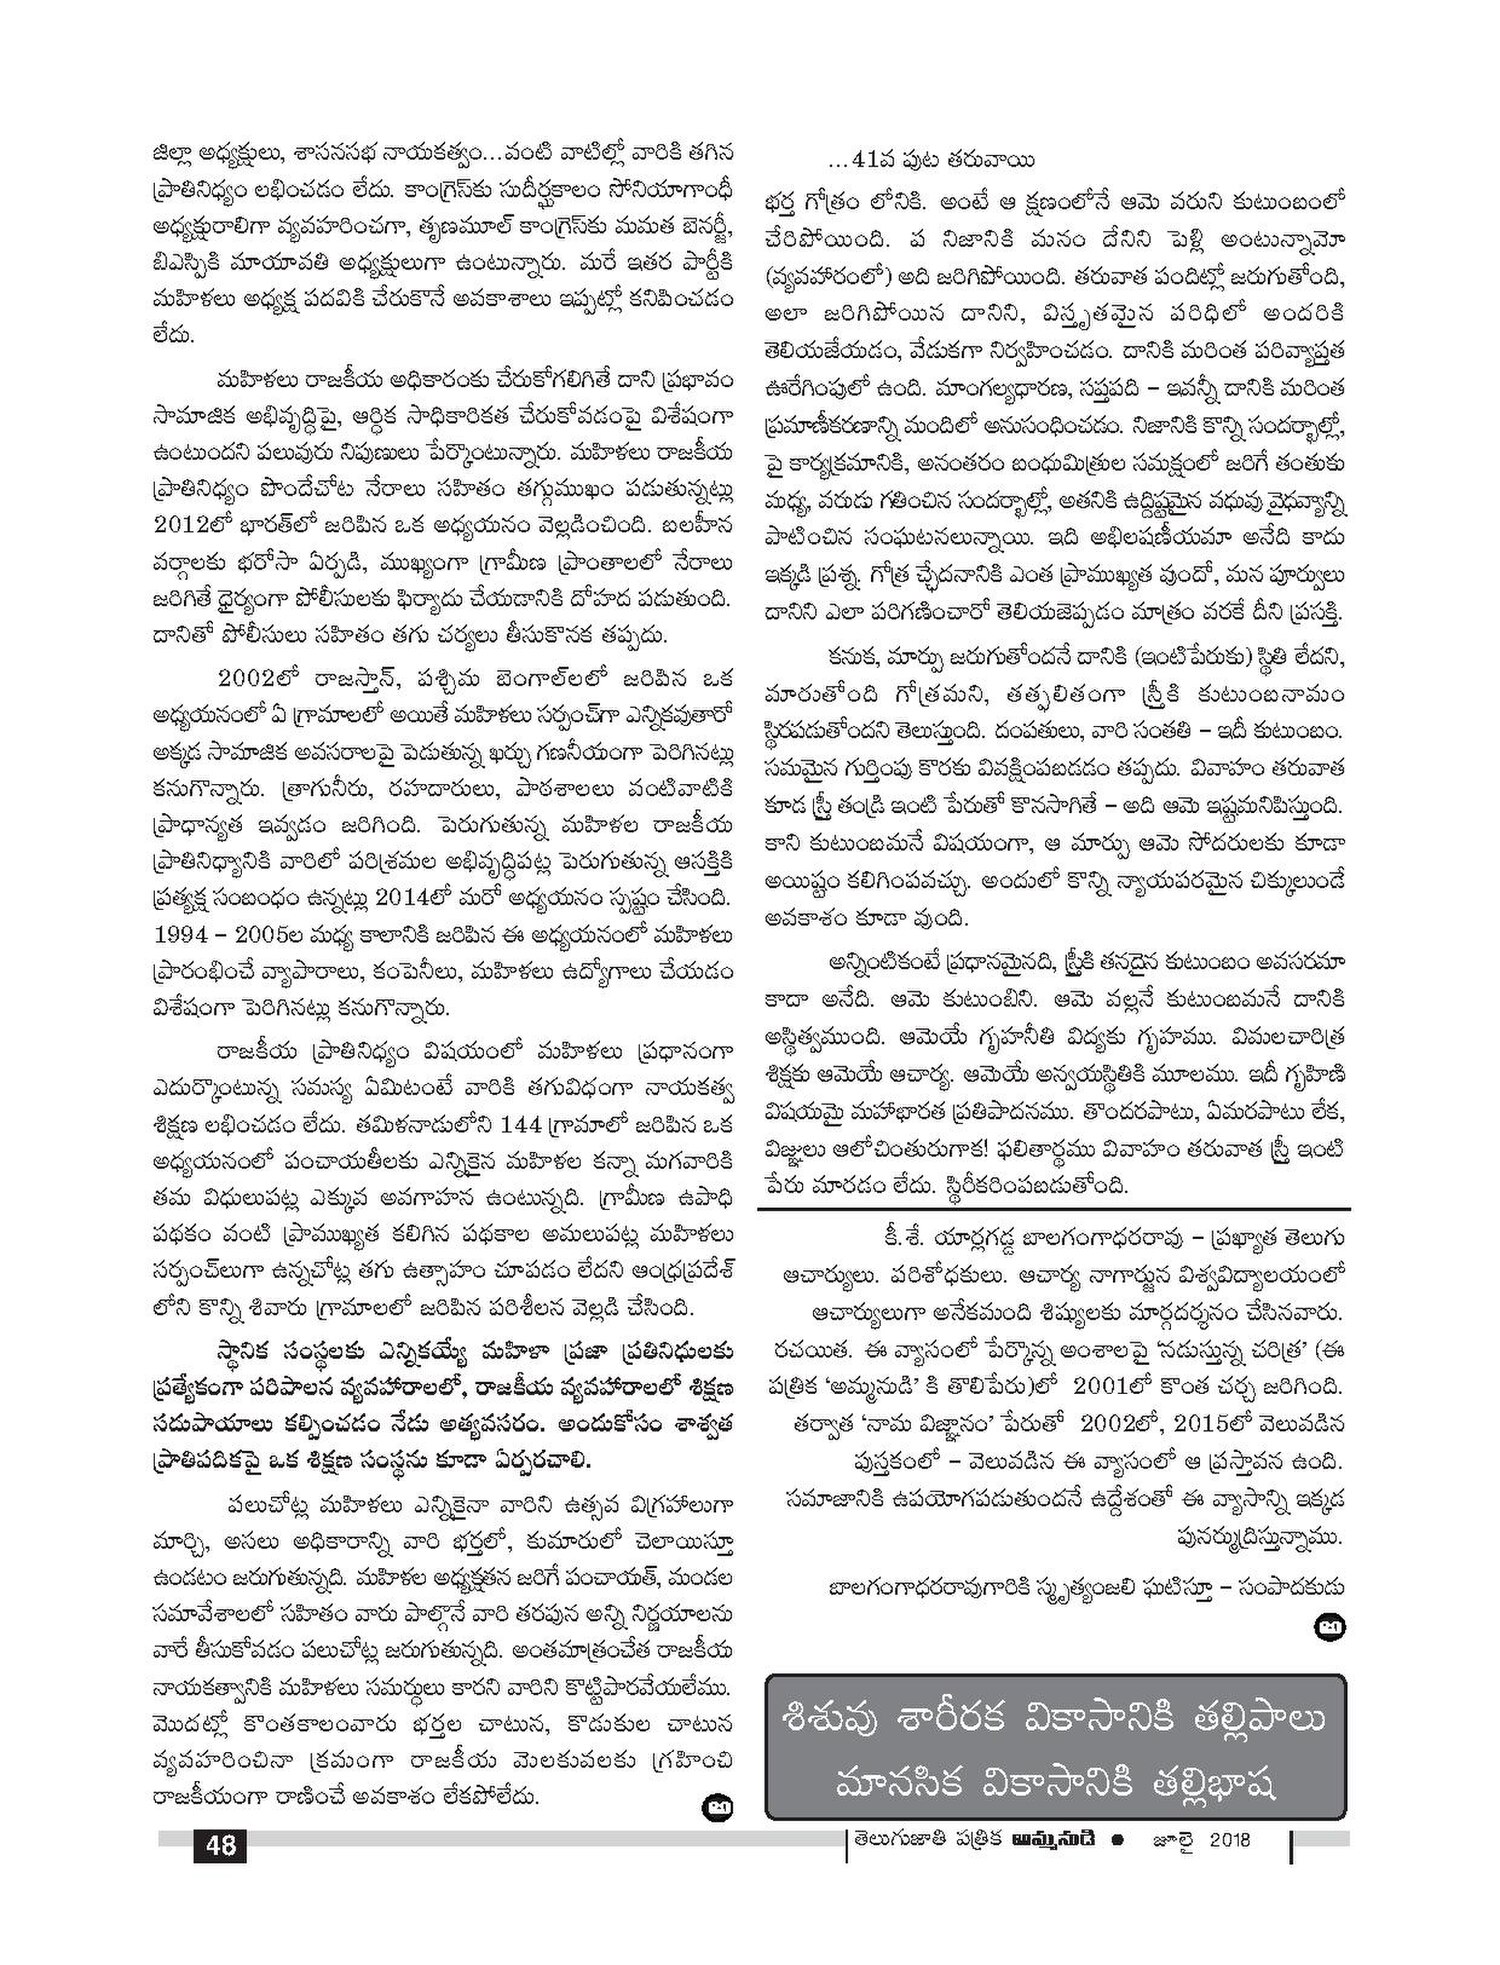జిల్లా అధ్యక్షులు, శాసనసభ నాయకత్వం... వంటి వాటిల్లో వారికి తగిన ప్రాతినిధ్యం లభించడం లేదు. కాంగ్రెస్‌కు సుదీర్ఘకాలం సోనియాగాంధీ అధ్యక్షురాలిగా వ్యవహరించగా, తృణమూల్‌ కాంగ్రెస్‌కు మమత బెనర్జీ, బిఎస్పికి మాయావతి అధ్యక్షులుగా ఉంటున్నారు. మరే ఇతర పార్టీకి మహిళలు అధ్యక్ష పదవికి చేరుకొనే అవకాశాలు ఇప్పట్లో కనిపించడం లేదు.

మహిళలు రాజకీయ అధికారంకు చేరుకోగలిగితే దాని ప్రభావం సామాజిక అభివృద్ధిపై, ఆర్ధిక సాధికారికత చేరుకోవడంపై విశేషంగా ఉంటుందని పలువురు నిపుణులు పేర్కొంటున్నారు. మహిళలు రాజకీయ ప్రాతినిధ్యం పొందేచోట నేరాలు సహితం తగ్గుముఖం పడుతున్నట్లు 2012లో భారత్‌లో జరిపిన ఒక అధ్యయనం వెల్లడించింది. బలహీన వర్గాలకు భరోసా ఏర్పడి, ముఖ్యంగా గ్రామీణ ప్రాంతాలలో నేరాలు జరిగితే ధైర్యంగా పోలీసులకు ఫిర్యాదు చేయడానికి దోహద పడుతుంది. దానితో పోలీసులు సహితం తగు చర్యలు తీసుకొనక తప్పదు.

2002లో రాజస్తాన్‌, పశ్చిమ బెంగాల్‌లలో జరిపిన ఒక అధ్యయనంలో ఏ గ్రామాలలో అయితే మహిళలు సర్బంచ్‌గా ఎనికవుతారో అక్కడ సామాజిక అవసరాలపై పెడుతున్న ఖర్చు గణనీయంగా పెరిగినట్లు
కనుగొన్నారు. త్రాగునీరు, రహదారులు, పాఠశాలలు వంటివాటికి ప్రాధాన్యత ఇవ్వడం జరిగింది. పెరుగుతున్న మహిళల రాజకీయ ప్రాతినిధ్యానికి వారిలో పరిశ్రమల అభివృద్ధిపట్ల పెరుగుతున్న ఆసక్తికి
ప్రత్యక్ష సంబంధం ఉన్నట్లు 2014లో మరో అధ్యయనం స్పష్టం చేసింది. 1994 - 2005ల మధ్య కాలానికి జరిపిన ఈ అధ్యయనంలో మహిళలు ప్రారంభించే వ్యాపారాలు, కంపెనీలు, మహిళలు ఉద్యోగాలు చేయడం విశేషంగా పెరిగినట్లు కనుగొన్నారు.

రాజకీయ ప్రాతినిధ్యం విషయంలో మహిళలు ప్రధానంగా ఎదుర్కొంటున్న సమస్య ఏమిటంటే వారికి తగువిధంగా నాయకత్వ శిక్షణ లభించడం లేదు. తమిళనాడులోని 144 గ్రామాలో జరిపిన ఒక
అధ్యయనంలో పంచాయతీలకు ఎన్నికైన మహిళల కన్నా మగవారికి తమ విధులుపట్ల ఎక్కువ అవగాహన ఉంటున్నది. గ్రామీణ ఉపాధి పథకం వంటి ప్రాముఖ్యత కలిగిన పథకాల అమలుపట్ల మహిళలు సర్బంచ్‌లుగా ఉన్నచోట్ల తగు ఉత్సాహం చూపడం లేదని ఆంధ్రప్రదేశ్‌లోని కొన్ని శివారు గ్రామాలలో జరిపిన పరిశీలన వెల్లడి చేసింది.

స్థానిక సంస్థలకు ఎన్నికయ్యే మహిళా ప్రజా ప్రతినిధులకు ప్రత్యేకంగా పరిపాలన వ్యవహారాలలో, రాజకీయ వ్యవహారాలలో శిక్షణ సదుపాయాలు కల్పించడం నేడు అత్యవసరం. అందుకోసం శాశ్వత
ప్రాతిపదికపై ఒక శిక్షణ సంస్థను కూడా ఏర్పరచాలి.

పలుచోట్ల మహిళలు ఎన్నికైనా వారిని ఉత్సవ విగ్రహాలుగా మార్చి, అసలు అధికారాన్ని వారి భర్తలో, కుమారులో చెలాయిస్తూ ఉండటం జరుగుతున్నది. మహిళల అధ్యక్షతన జరిగే పంచాయత్‌, మండల
సమావేశాలలో సహితం వారు పాల్లొనే వారి తరపున అన్ని నిర్ణయాలను వారే తీసుకోవడం పలుచోట్ల జరుగుతున్నది. అంతమాత్రంచేత రాజకీయ నాయకత్వానికి మహిళలు సమర్ధులు కారని వారిని కొట్టిపారవేయలేము. మొదట్లో కొంతకాలంవారు భర్తల చాటున, కొడుకుల చాటున వ్యవహరించినా క్రమంగా రాజకీయ మెలకువలకు గ్రహించి రాజకీయంగా రాణించే అవకాశం లేకపోలేదు. 

...41వ పుట తరువాయి

భర్త గోత్రం లోనికి. అంటే ఆ క్షణంలోనే ఆమె వరుని కుటుంబంలో చేరిపోయింది. ప నిజానికి మనం దేనిని పెళ్లి అంటున్నామో (వ్యవహారంలో) అది జరిగిపోయింది. తరువాత పందిట్లో జరుగుతోంది,
అలా జరిగిపోయిన దానిని, విస్తృతమైన పరిధిలో అందరికి తెలియజేయడం, వేడుకగా నిర్వహించడం. దానికి మరింత పరివ్యాప్తత ఊరేగింపులో ఉంది. మాంగల్యధారణ, సప్తపది - ఇవన్నీ దానికి మరింత ప్రమాణీకరణాన్ని మందిలో అనుసంధించడం. నిజానికి కొన్ని సందర్భాల్లో పై కార్యక్రమానికి, అనంతరం బంధుమిత్రుల సమక్షంలో జరిగే తంతుకు మధ్య, వరుడు గతించిన సందర్భాల్లో అతనికి ఉద్దిష్టమైన వధువు వైధవ్యాన్ని పాటించిన సంఘటనలున్నాయి. ఇది అభిలషణీయమా అనేది కాదు ఇక్కడి ప్రశ్న గోత్ర చ్చేదనానికి ఎంత ప్రాముఖ్యత వుందో, మన పూర్వులు దానిని ఎలా పరిగణించారో తెలియజెప్పడం మాత్రం వరకే దీని ప్రసక్తి.

కనుక, మార్పు జరుగుతోందనే దానికి (ఇంటి పేరుకు) స్థితి లేదని, మారుతోంది గోత్రమని, తత్ఫలితంగా స్త్రీకి కుటుంబనామం స్థిరపడుతోందని తెలుస్తుంది. దంపతులు, వారి సంతతి - ఇదీ కుటుంబం. సమమైన గుర్తింపు కొరకు వివక్షింపబడడం తప్పదు. వివాహం తరువాత కూడ స్త్రీ తండ్రి ఇంటి పేరుతో కొనసాగితే - అది ఆమె ఇష్టమనిపిస్తుంది. కాని కుటుంబమనే విషయంగా, ఆ మార్పు, ఆమె సోదరులకు కూడా అయిష్టం కలిగింపవచ్చు. అందులో కొన్ని న్యాయపరమైన చిక్కులుండే అవకాశం కూడా వుంది.

అన్నింటికంటే ప్రధానమైనది, స్త్రీకి తనదైన కుటుంబం అవసరమా కాదా అనేది. ఆమె కుటుంబిని. ఆమె వల్లనే కుటుంబమనే దానికి అస్థిత్వముంది. ఆమెయే గృహనీతి విద్యకు గృహము. విమలచారిత్ర
శిక్షకు ఆమెయే ఆచార్య. ఆమెయే అన్వయస్థితికి మూలము. ఇదీ గృహిణి విషయమై మహాభారత ప్రతిపాదనము. తొందరపాటు, ఏమరపాటు లేక, విజ్ఞులు ఆలోచింతురుగాక! ఫలితార్థము వివాహం తరువాత స్త్రీ ఇంటి పేరు మారడం లేదు. స్థిరీకరింపబడుతోంది.

కీ.శే. యార్లగడ్డ బాలగంగాధరరావు - ప్రఖ్యాత తెలుగు ఆచార్యులు. పరిశోధకులు. ఆచార్య నాగార్జున విశ్వవిద్యాలయంలో ఆచార్యులుగా అనేకమంది శిష్యులకు మార్గదర్శనం చేసినవారు. రచయిత. ఈ వ్యాసంలో పేర్కొన్న అంశాలపై 'నడుస్తున్న చరిత్ర' (ఈ పత్రిక 'అమ్మనుడి' కి తొలిపేరు)లో 2001లో కొంత చర్చ జరిగింది. తర్వాత 'నామ విజ్ఞానం' పేరుతో 2002లో, 2015లో వెలువడిన పుస్తకంలో - వెలువడిన ఈ వ్యాసంలో ఆ ప్రస్తావన ఉంది. సమాజానికి ఉపయోగపడుతుందనే ఉద్దేశంతో ఈ వ్యాసాన్ని ఇక్కడ
పునర్ముద్రిస్తున్నాము.